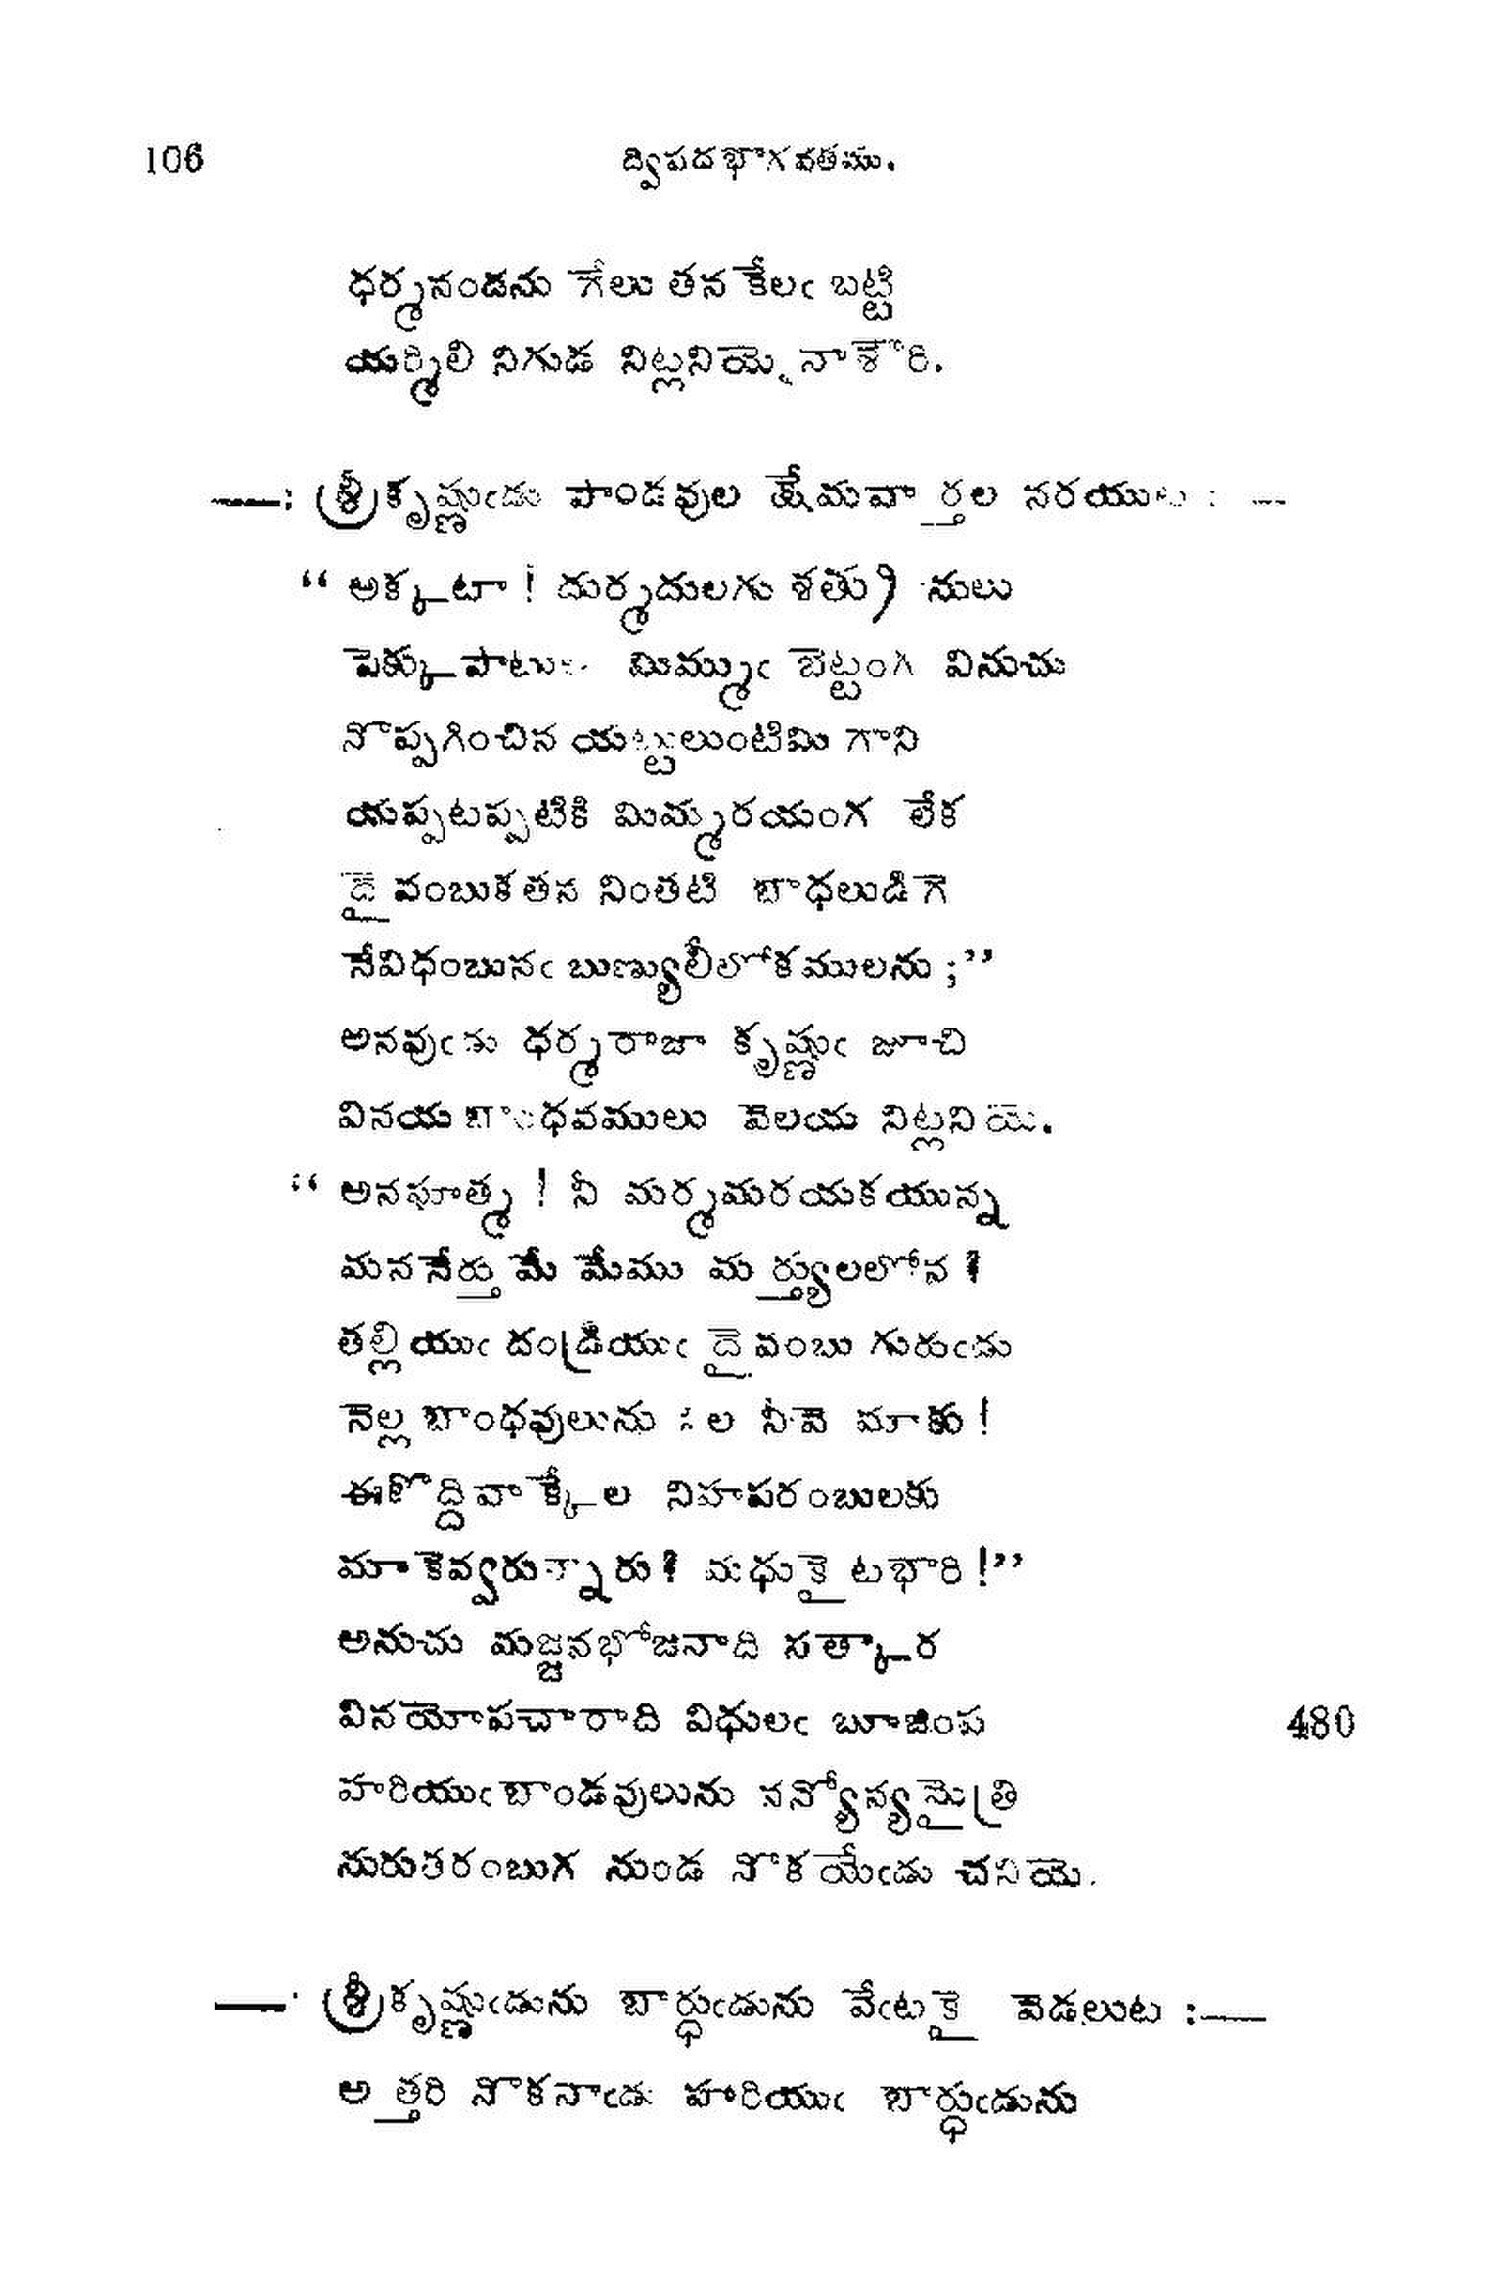ధర్మనందను గేలు తనకేలఁ బట్టి
యర్మిలి నిగుడ నిట్లనియె నాశౌరి, 

“అక్కటా! దుర్మదులగు శత్రుజనులు
పెక్కు పాటుల మిమ్ముఁ బెట్టంగ వినుచు
నొప్పగించిన యట్టులుంటిమి గాని
యప్పటప్పటికి మిమ్మరయంగ లేక
దైవంబుకతన నింతటి బాధలుడిగె
నేవిధంబునఁ బుణ్యులీలోకములును;” 
అనవుఁడు ధర్మరాజా కృష్ణుఁ జూచి
వినయ బాంధవములు వెలయనిట్లనియె. 
“అనఘాత్మ! నీ మర్మమరయక యున్న
మననేర్తుమే మేము మర్త్యులలోన? 
తల్లియుఁ దండ్రియుఁ దైవంబు గురుఁడు
నెల్ల బాంధవులును నిల నీవె మాకు! 
ఈ కొద్ది వాక్కేల నిహపరంబులకు
మాకెవ్వరున్నారు? మధుకైటభారి!”
అనుచు మజ్జన భోజనాది సత్కార
వినయోపచారాది విధులఁ బూజింప
హరియుఁ బాండవులును నన్యోన్య మైత్రి
నురుతరంబుగ నుండ నొకయేఁడు చనియె. 

అత్తరి నొకనాఁడు హరియుఁ బార్ధుఁడును